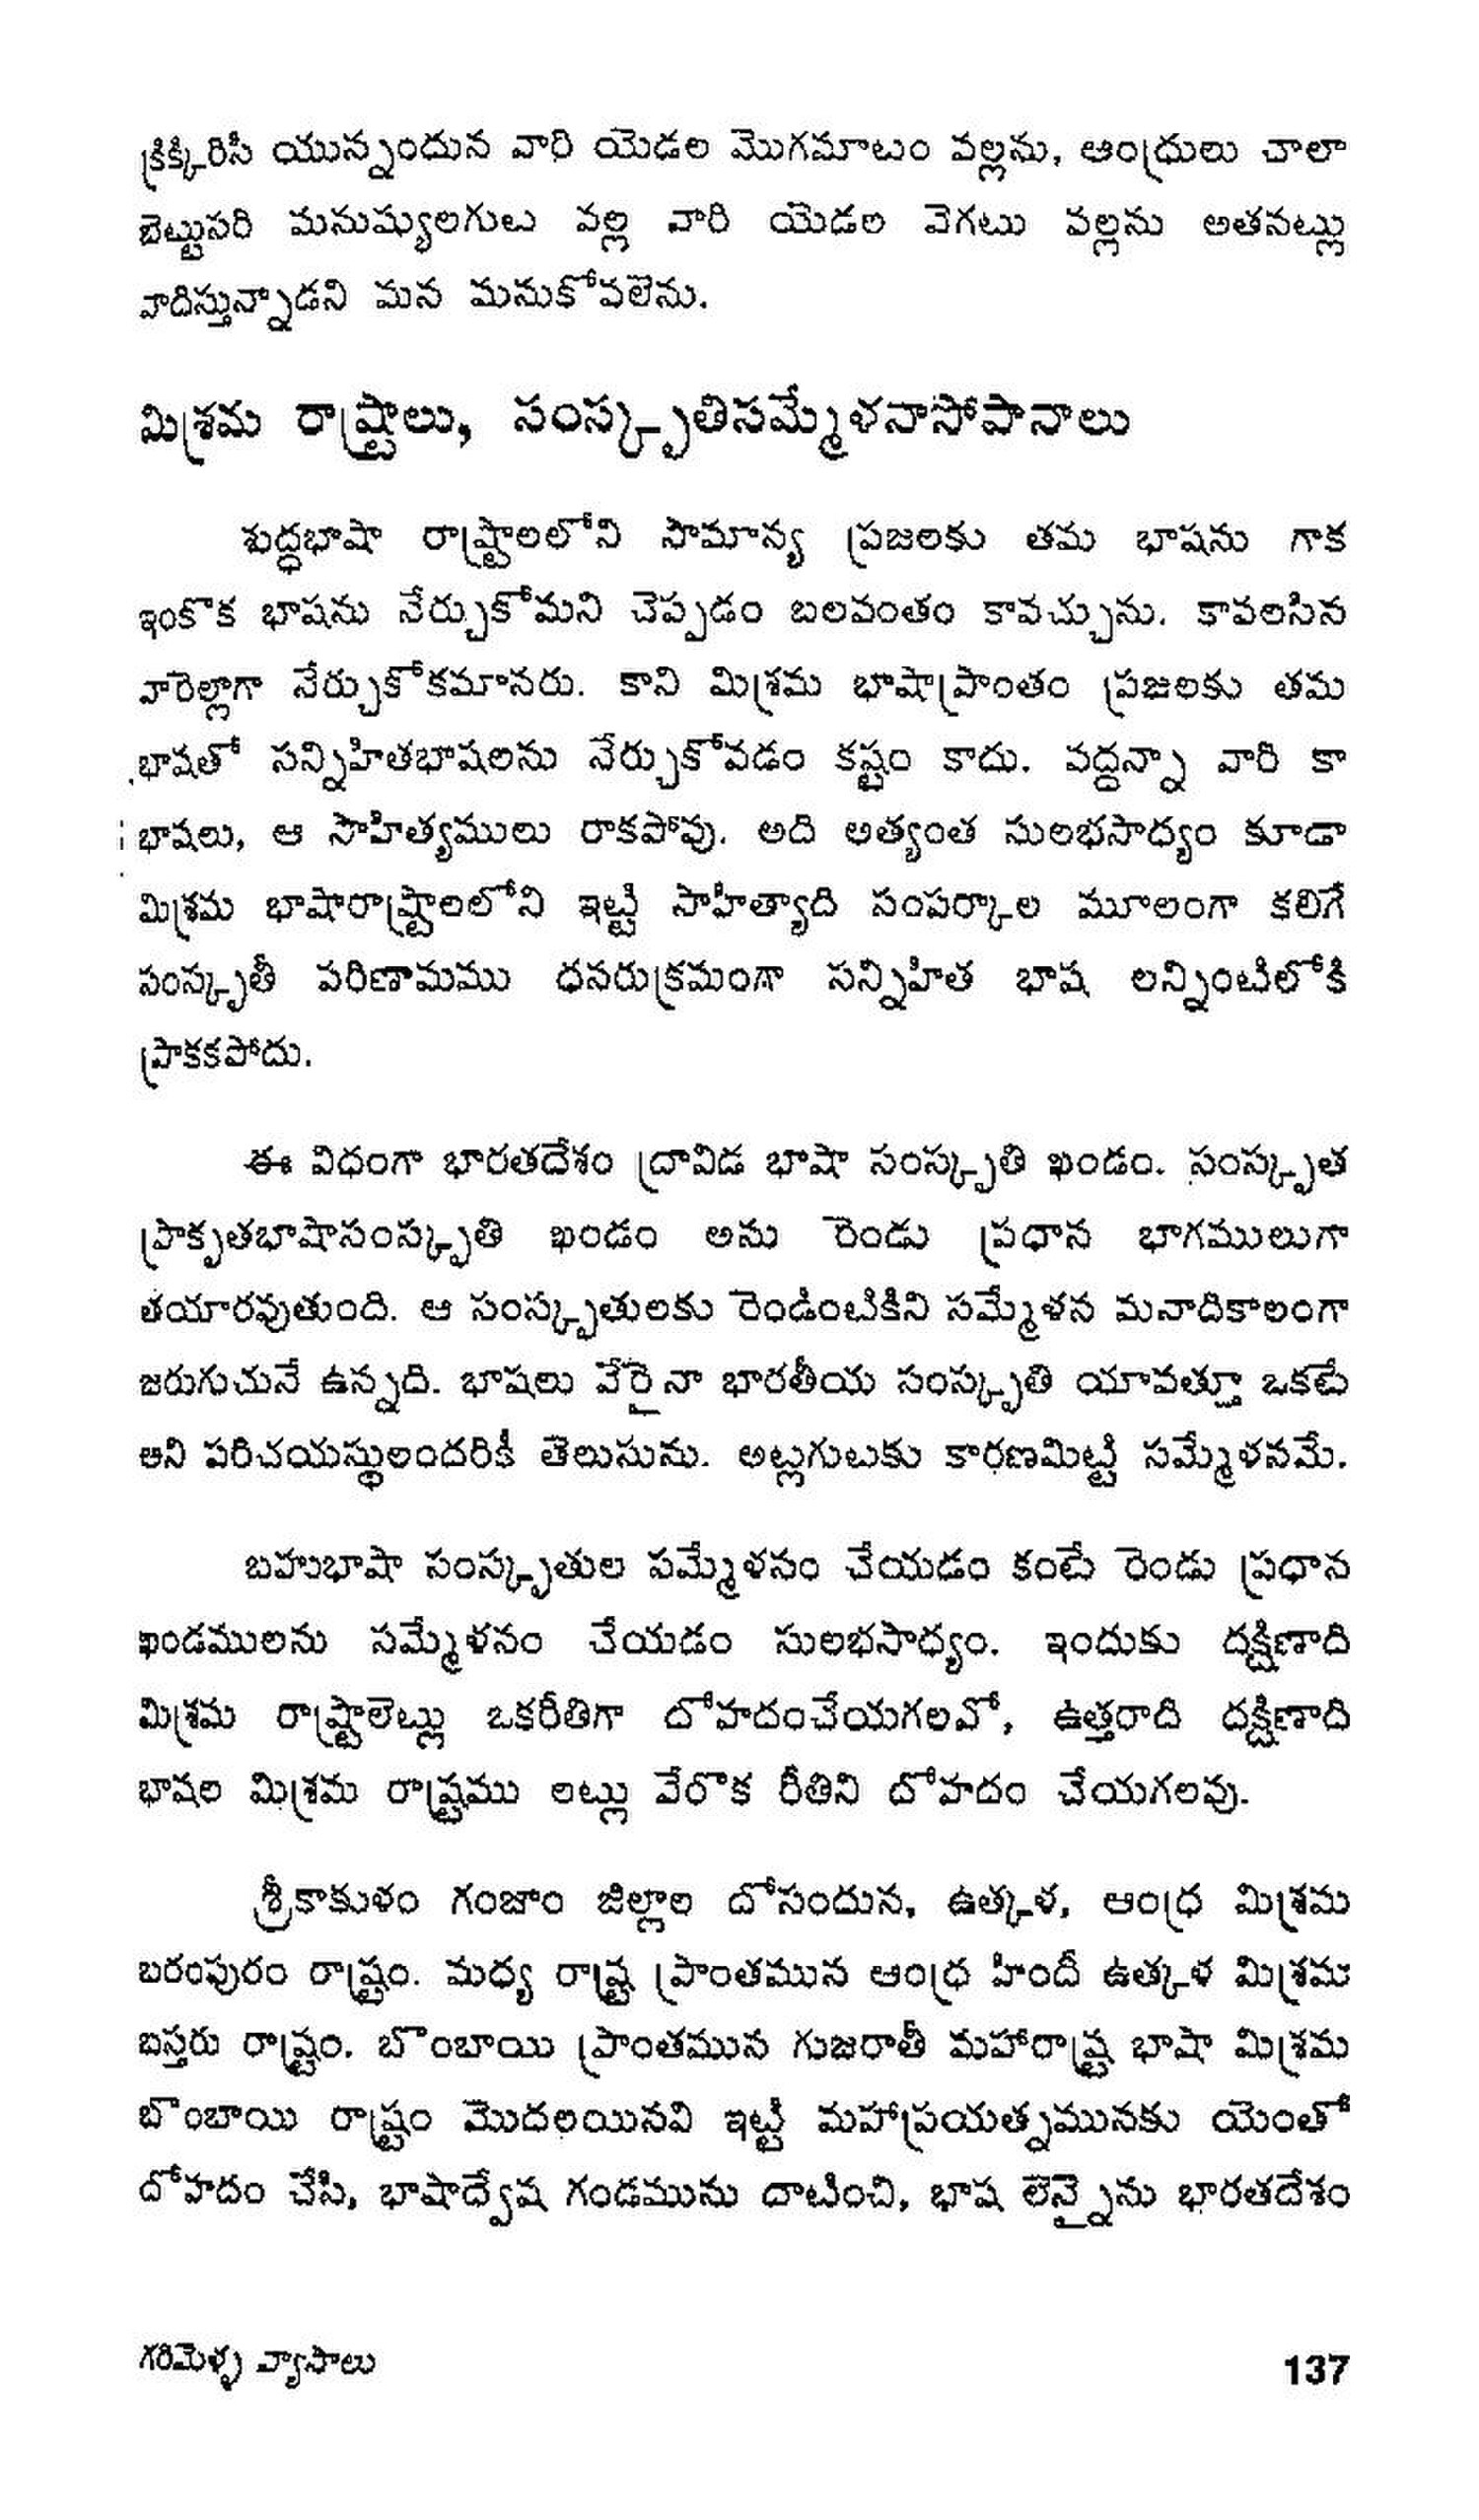క్రిక్కిరిసి యున్నందున వారి యెడల మొగమాటం వల్లను, ఆంధ్రులు చాలా బెట్టుసరి మనుష్యులగుట వల్ల వారి యెడల వెగటు వల్లను అతనట్లు వాదిస్తున్నాడని మన మనుకోవలెను.

మిశ్రమ రాష్ట్రాలు, సంస్కృతిసమ్మేళనాసోపానాలు
 
శుద్ధభాషా రష్ట్రాలలోని సామాన్య ప్రజలకు తమ బాషను గాక ఇంకొక భాషను నేర్చుకోమని చెప్పడం బలవంతం కావచ్చును. కావలసిన వారెల్లాగా నేర్చుకోకమానరు. కాని మిశ్రమ భాషాప్రాంతం ప్రజలకు తమ భాషతో సన్నిహితభాషలను నేర్చుకోవడం కష్టం కాదు. వద్దన్నా వారి కా భాషలు, ఆ సాహిత్యములు రాకపోవు. అది అత్యంత సులభసాధ్యం కూడా మిశ్రమ భాషారాష్ట్రాలలోని ఇట్టి సాహిత్యాది సంపర్కాల మూలంగా కలిగే సంస్కృతీ పరిణామము ధనరుక్రమంగా సన్నిహిత భాష లన్నింటిలోకి ప్రాకకపోదు.

ఈ విధంగా భారతదేశం ద్రావిడ భాషా సంస్కృతి ఖండం. సంస్కృత ప్రాకృతభాషాసంస్కృతి ఖండం అను రెండు ప్రధాన భాగములుగా తయారవుతుంది. ఆ సంస్కృతులకు రెండిండికిని సమ్మేళన మనాదికాలంగా జరుగుచునే ఉన్నది. భాషలు వేరైనా భారతీయ సంస్కృతి యావత్తూ ఒకటే అని పరిచయస్థులందరికీ తెలుసును. అట్లగుటకు కారణమిట్టి సమ్మేళనమే.

బహుభాషా సంస్కృతుల సమ్మేళనం చేయడం కంటే రెండు ప్రధాన ఖండములను సమ్మేళనం చేయడం సులభసాధ్యం. ఇందుకు దక్షిణాది మిశ్రమ రాష్ట్రాలెట్లు ఒకరీతిగా దోహదంచేయగలవో, ఉత్తరాది దక్షిణాది భాషల మిశ్రమ రాష్ట్రము లట్లు వేరొక రీతిని దోహదం చేయగలవు.

శ్రీకాకుళం గంజాం జిల్లాల దోసందున, ఉత్కళ, ఆంధ్ర మిశ్రమ బరంపురం రాష్ట్రం. మధ్య రాష్ట్ర ప్రాంతమున ఆంధ్ర హిందీ ఉత్కళ మిశ్రమ బస్తరు రాష్ట్రం. బొంబాయి ప్రాంతమున గుజరాతీ మహరాష్ట్ర భాషా మిశ్రమ బొంబాయి రాష్ట్రం మొదలయినవి ఇట్టి మహాప్రయత్నమునకు యెంతో దోహదం చేసి, భాషాద్వేష, గండమును దాటించి, భాష లెన్నైను భారతదేశం